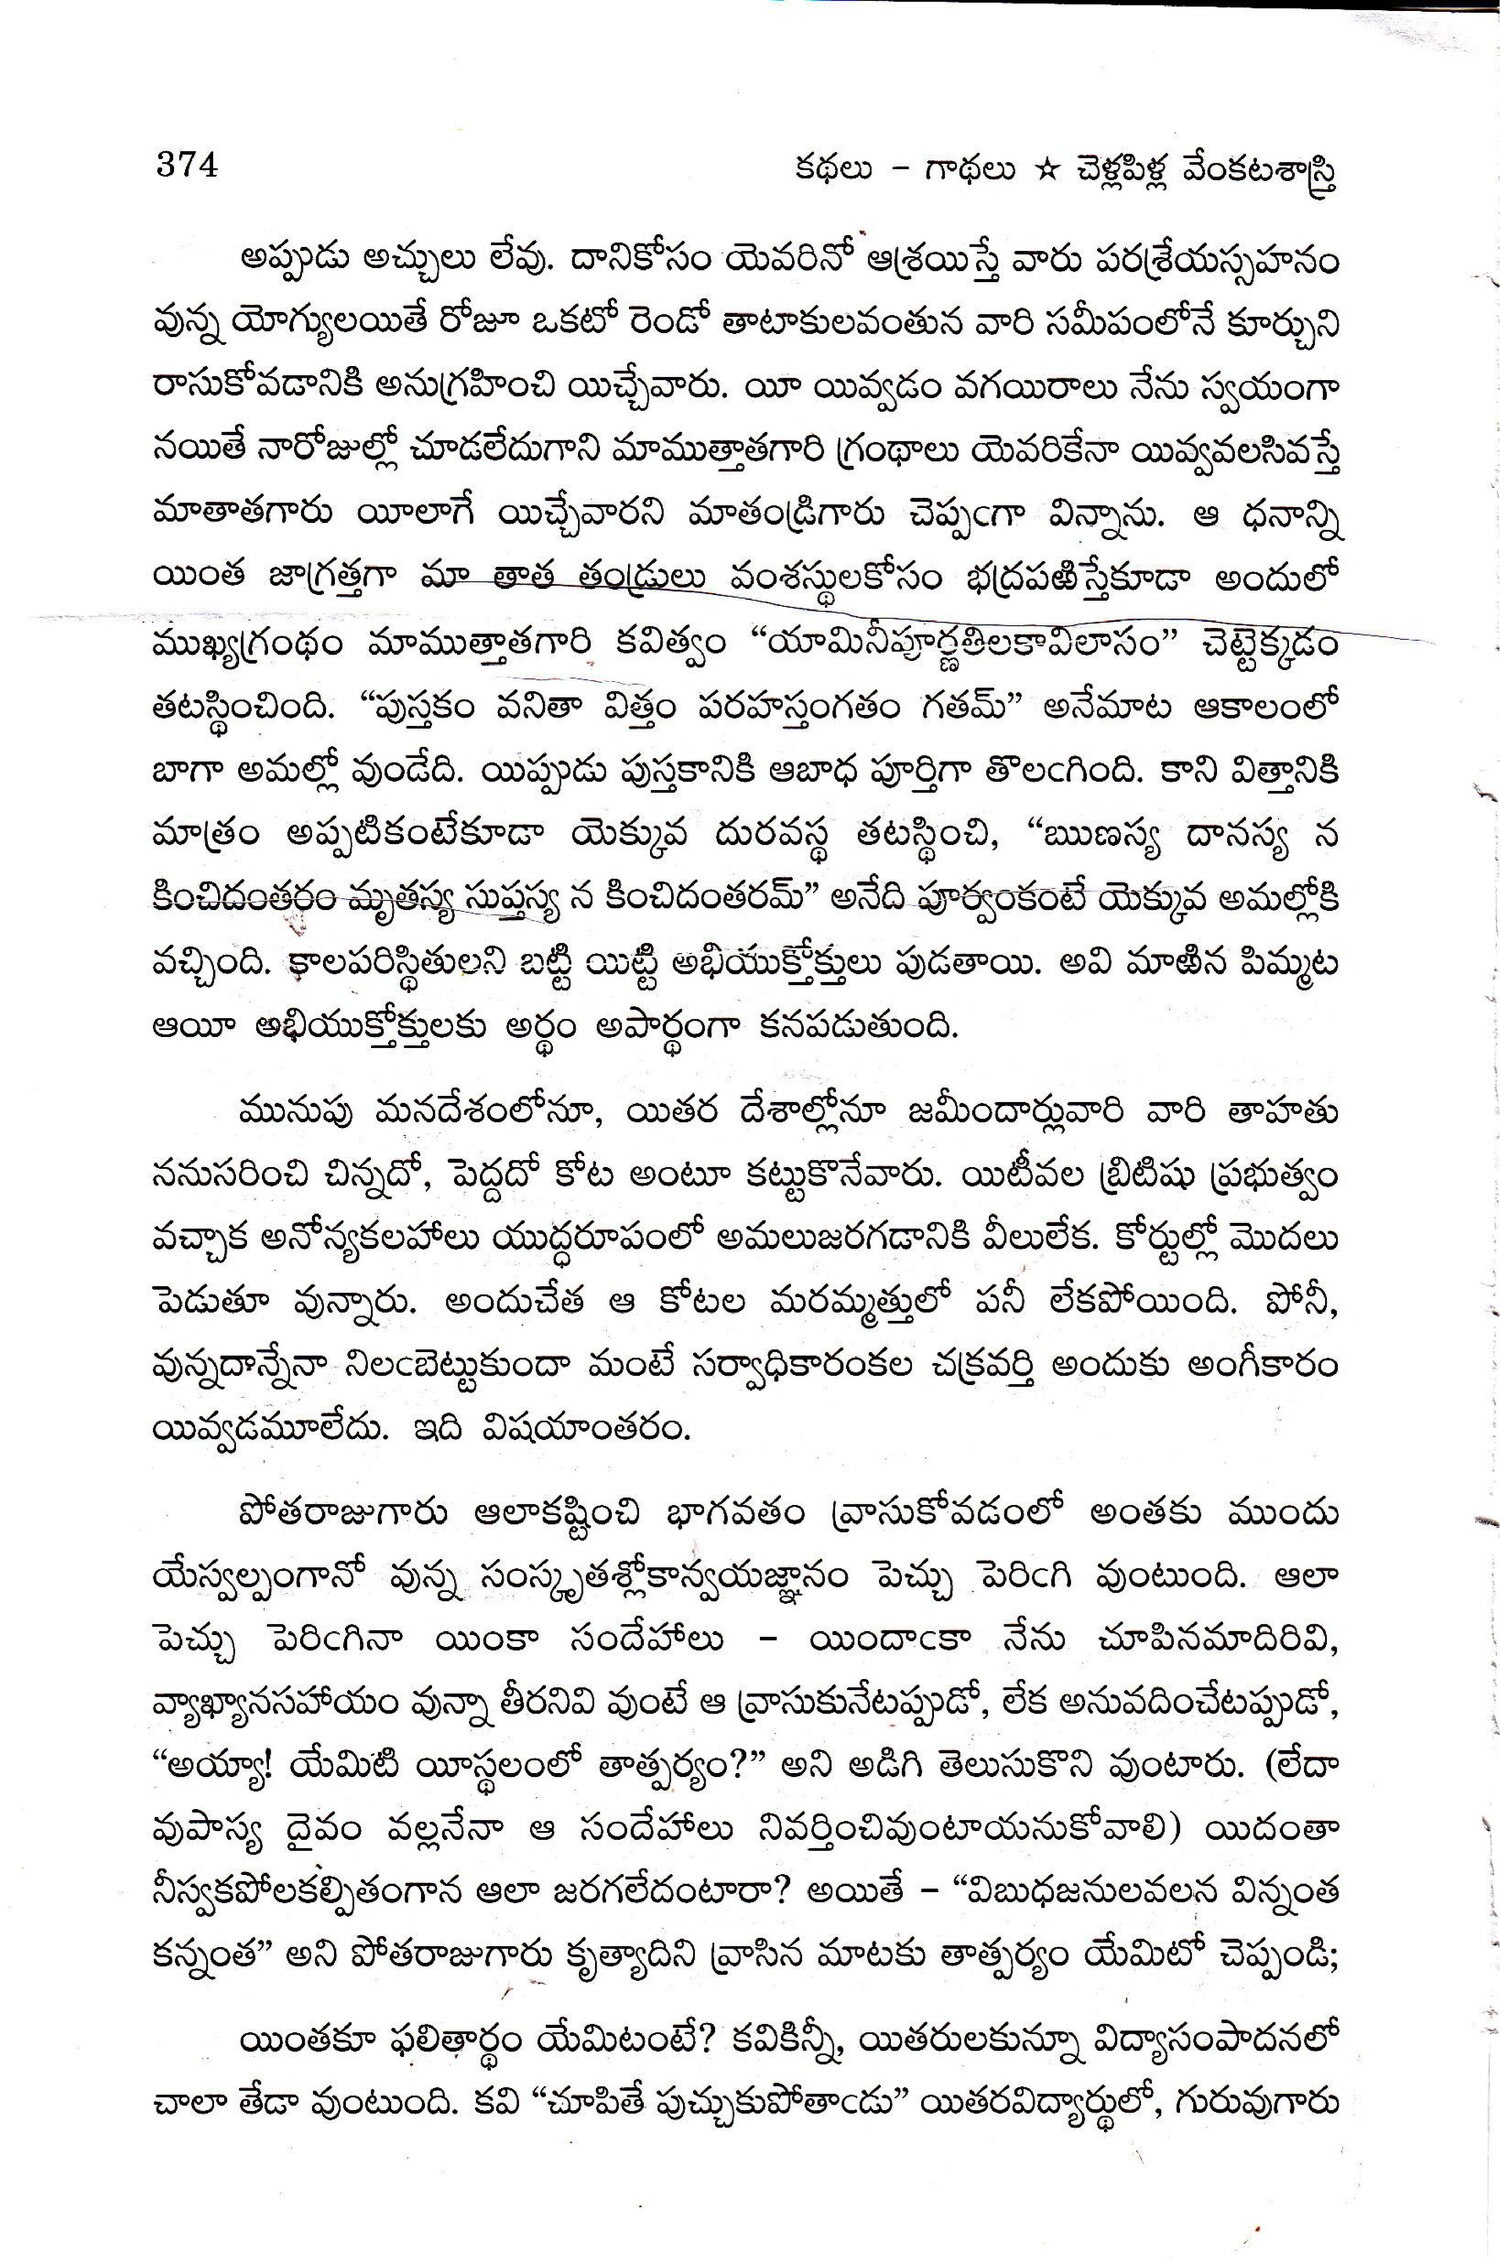అప్పుడు అచ్చులు లేవు. దానికోసం యెవరినో ఆశ్రయిస్తే వారు పరశ్రేయస్సహనం వున్న యోగ్యులయితే రోజూ ఒకటో రెండో తాటాకులవంతున వారి సమీపంలోనే కూర్చుని రాసుకోవడానికి అనుగ్రహించి యిచ్చేవారు. యీ యివ్వడం వగయిరాలు నేను స్వయంగా నయితే నారోజుల్లో చూడలేదుగాని మాముత్తాతగారి గ్రంథాలు యెవరికేనా యివ్వవలసివస్తే మాతాతగారు యీలాగే యిచ్చేవారని మాతండ్రిగారు చెప్పఁగా విన్నాను. ఆ ధనాన్ని యింత జాగ్రత్తగా మా తాత తండ్రులు వంశస్థులకోసం భద్రపఱిస్తేకూడా అందులో ముఖ్యగ్రంథం మాముత్తాతగారి కవిత్వం “యామినీపూర్ణతిలకావిలాసం" చెట్టెక్కడం తటస్థించింది. “పుస్తకం వనితా విత్తం పరహస్తంగతం గతమ్" అనేమాట ఆకాలంలో బాగా అమల్లో వుండేది. యిప్పుడు పుస్తకానికి ఆబాధ పూర్తిగా తొలంగింది. కాని విత్తానికి మాత్రం అప్పటికంటేకూడా యెక్కువ దురవస్థ తటస్థించి, "ఋణస్య దానస్య న కించిదంతరం మృతస్య సుప్తస్య న కించిదంతరమ్" అనేది పూర్వంకంటే యెక్కువ అమల్లోకి వచ్చింది. కాలపరిస్థితులని బట్టి యిట్టి అభియుక్తోక్తులు పుడతాయి. అవి మాఱిన పిమ్మట ఆయీ అభియుక్తోక్తులకు అర్థం అపార్థంగా కనపడుతుంది. -

మునుపు మనదేశంలోనూ, యితర దేశాల్లోనూ జమీందార్లువారి వారి తాహతు ననుసరించి చిన్నదో, పెద్దదో కోట అంటూ కట్టుకొనేవారు. యిటీవల బ్రిటిషు ప్రభుత్వం వచ్చాక అనోన్యకలహాలు యుద్ధరూపంలో అమలుజరగడానికి వీలులేక కోర్టుల్లో మొదలు పెడుతూ వున్నారు. అందుచేత ఆ కోటల మరమ్మత్తులో పనీ లేకపోయింది. పోనీ, వున్నదాన్నేనా నిలఁబెట్టుకుందా మంటే సర్వాధికారంకల చక్రవర్తి అందుకు అంగీకారం యివ్వడమూలేదు. ఇది విషయాంతరం.

పోతరాజుగారు ఆలాకప్టించి భాగవతం వ్రాసుకోవడంలో అంతకు ముందు యేస్వల్పంగానో వున్న సంస్కృతశ్లోకాన్వయజ్ఞానం పెచ్చు పెరిఁగి వుంటుంది. ఆలా పెచ్చు పెరిఁగినా యింకా సందేహాలు - యిందాఁకా నేను చూపినమాదిరివి, వ్యాఖ్యానసహాయం వున్నా తీరనివి వుంటే ఆ వ్రాసుకునేటప్పుడో, లేక అనువదించేటప్పుడో, "అయ్యా! యేమిటి యీస్థలంలో తాత్పర్యం?" అని అడిగి తెలుసుకొని వుంటారు. (లేదా వుపాస్య దైవం వల్లనేనా ఆ సందేహాలు నివర్తించివుంటాయనుకోవాలి) యిదంతా నీస్వకపోలకల్పితంగాన ఆలా జరగలేదంటారా? అయితే - “విబుధజనులవలన విన్నంత కన్నంత" అని పోతరాజుగారు కృత్యాదిని వ్రాసిన మాటకు తాత్పర్యం యేమిటో చెప్పండి;

యింతకూ ఫలితార్థం యేమిటంటే? కవికిన్నీ యితరులకున్నూ విద్యాసంపాదనలో చాలా తేడా వుంటుంది. కవి "చూపితే పుచ్చుకుపోతాడు" యితరవిద్యార్థులో, గురువుగారు